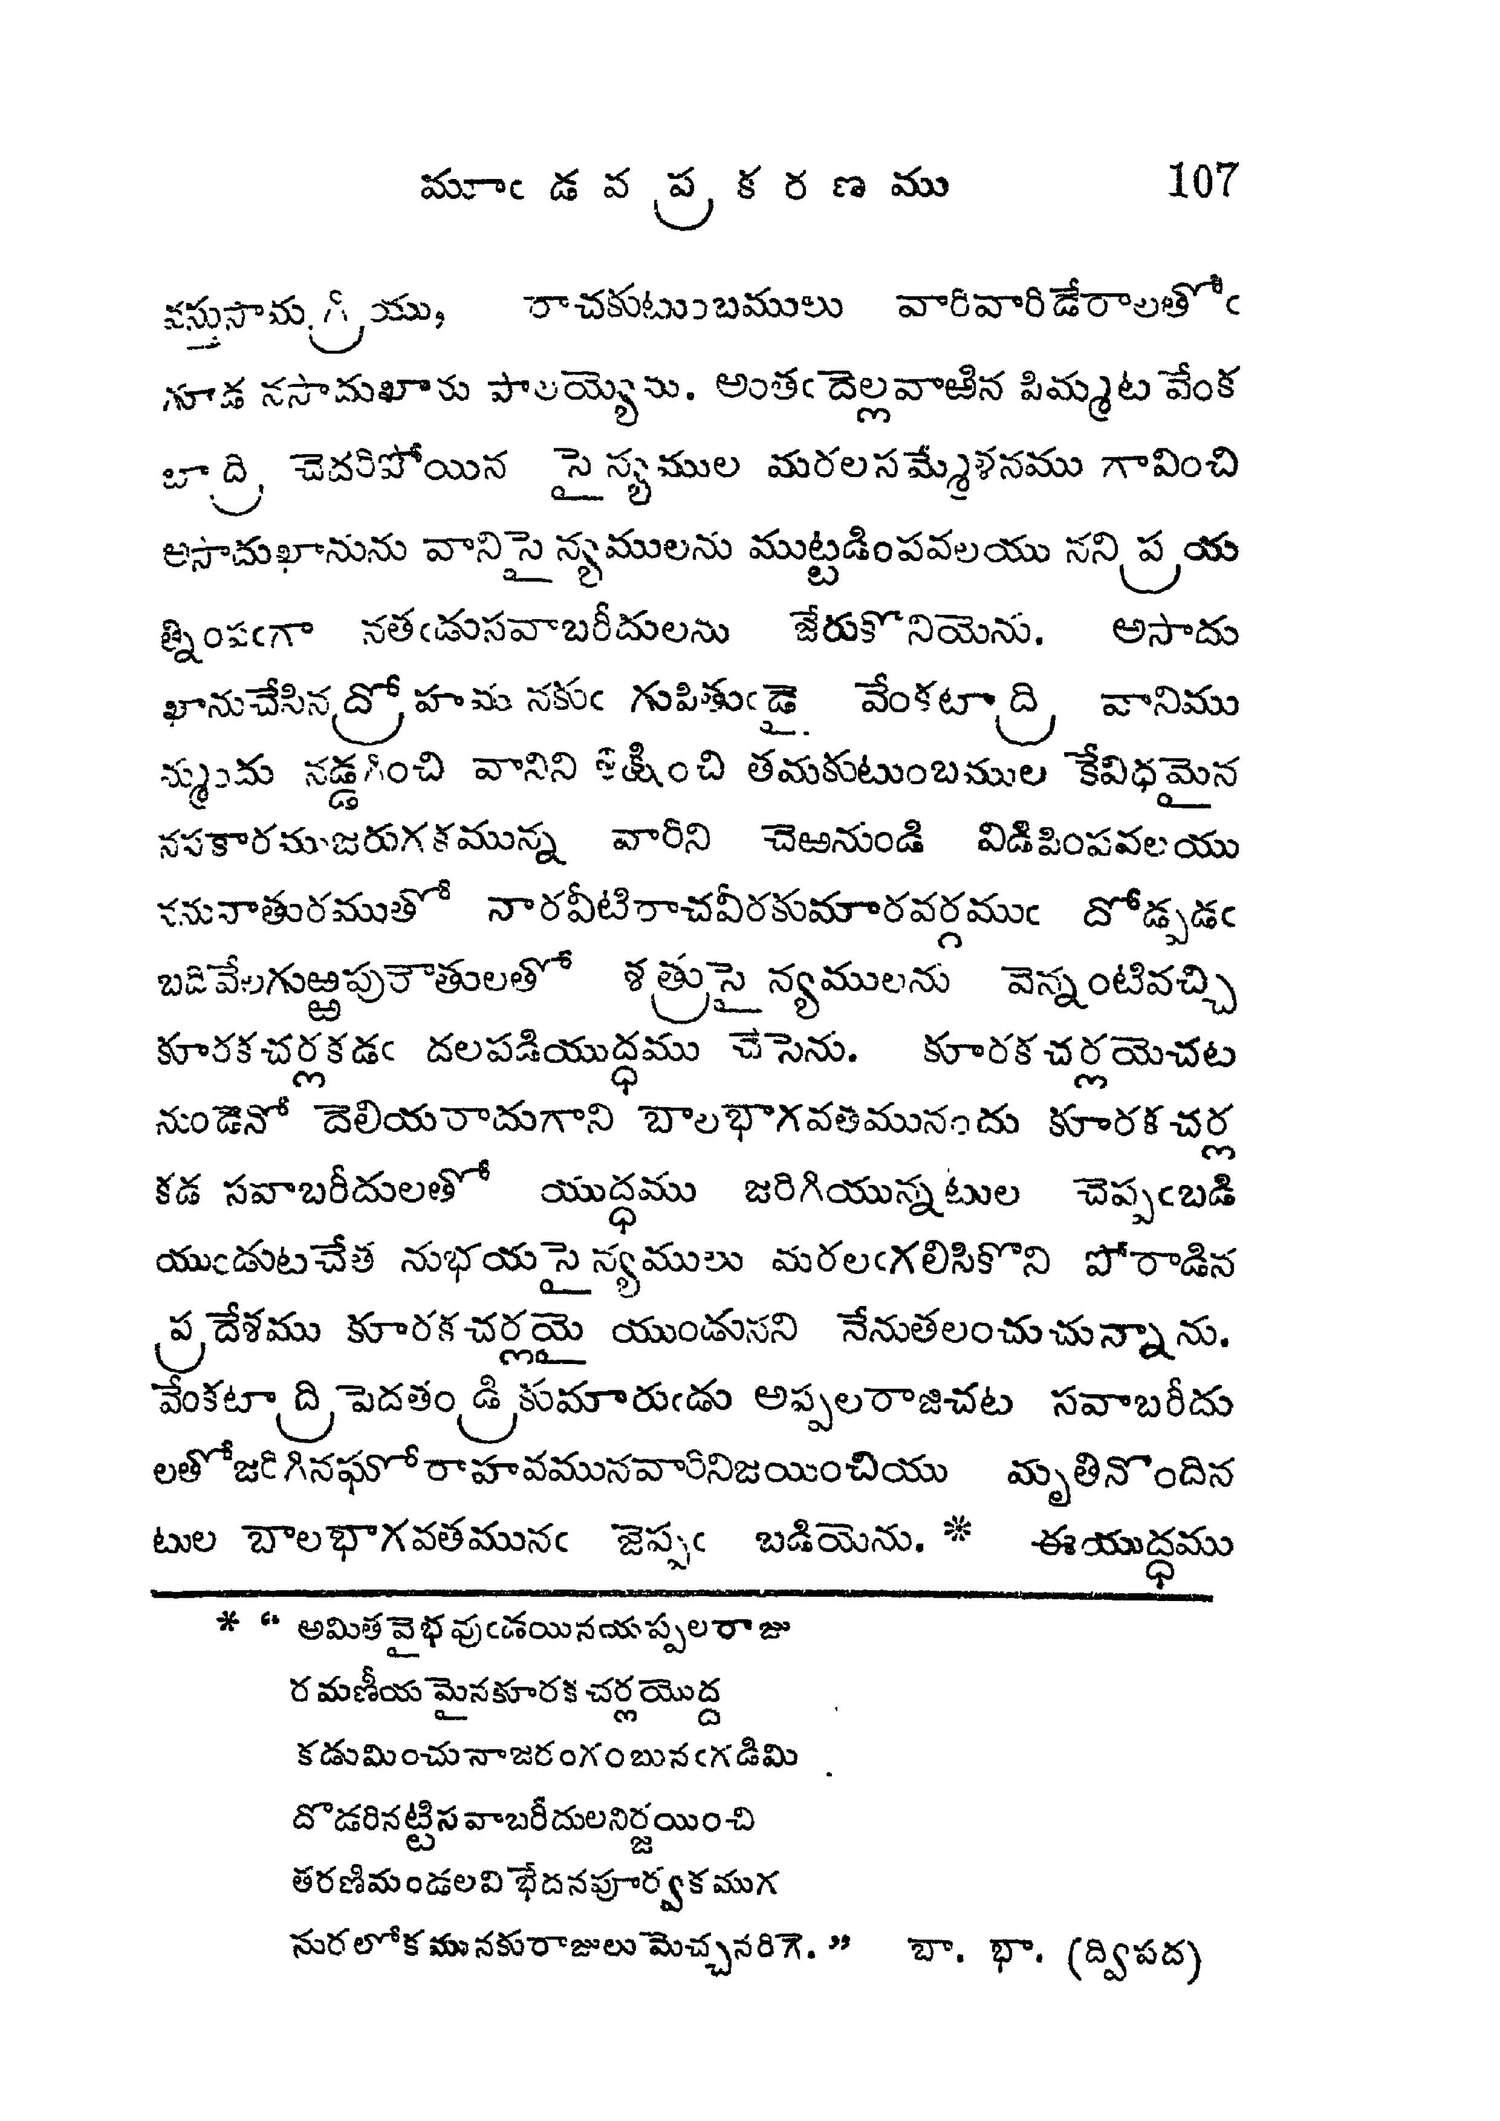వస్తుసామగ్రియు, రాచకుటుంబములు వారివారిడేరాలతో గూడ నసాదుఖాను పాలయ్యెను. అంతదెల్లవాఱిన పిమ్మట వేంకటాద్రి చెదరిపోయిన సైన్యముల మరలసమ్మేళనము గావించి అసాదుఖానును వానిసైన్యములను ముట్టడింపవలయునని ప్రయత్నింపగా నతడునవాబరీదులను జేరుకొనియెను. అసాదుఖానుచేసిన ద్రోహమునకు గుపితుడై వేంకటాద్రి వానిమున్ముందు నడ్డగించి వానిని శిక్షించి తమకుటుంబముల కేవిధమైన నపకారముజరుగకమున్న వారిని చెఱనుండి విడిపింపవలయునను నాతురముతో నారవీటిరాచవీరకుమారవర్గము దోడ్పడ బదివేలగుఱ్ఱపురౌతులతో శత్రుసైన్యములను వెన్నంటివచ్చి కూరకచర్లకడ దలపడియుద్ధము చేసెను. కూరకచర్లయెచట నుండెనో దెలియరాదుగాని బాలభాగవతమునందు కూరకచర్లకడ నవాబరీదులతో యుద్ధము జరిగియున్నటుల చెప్పబడి యుండుటచేత నుభయసైన్యములు మరల గలిసికొని పోరాడిన ప్రదేశము కూరకచర్లయై యుండునని నేనుతలంచుచున్నాను. వేంకటాద్రి పెదతండ్రికుమారుడు అప్పలరాజిచట నవాబరీదులతో జరిగినఘోరాహవమున వారినిజయించియు మృతినొందినటుల బాలభాగవతమున జెప్ప బడియెను. ఈయుద్ధము